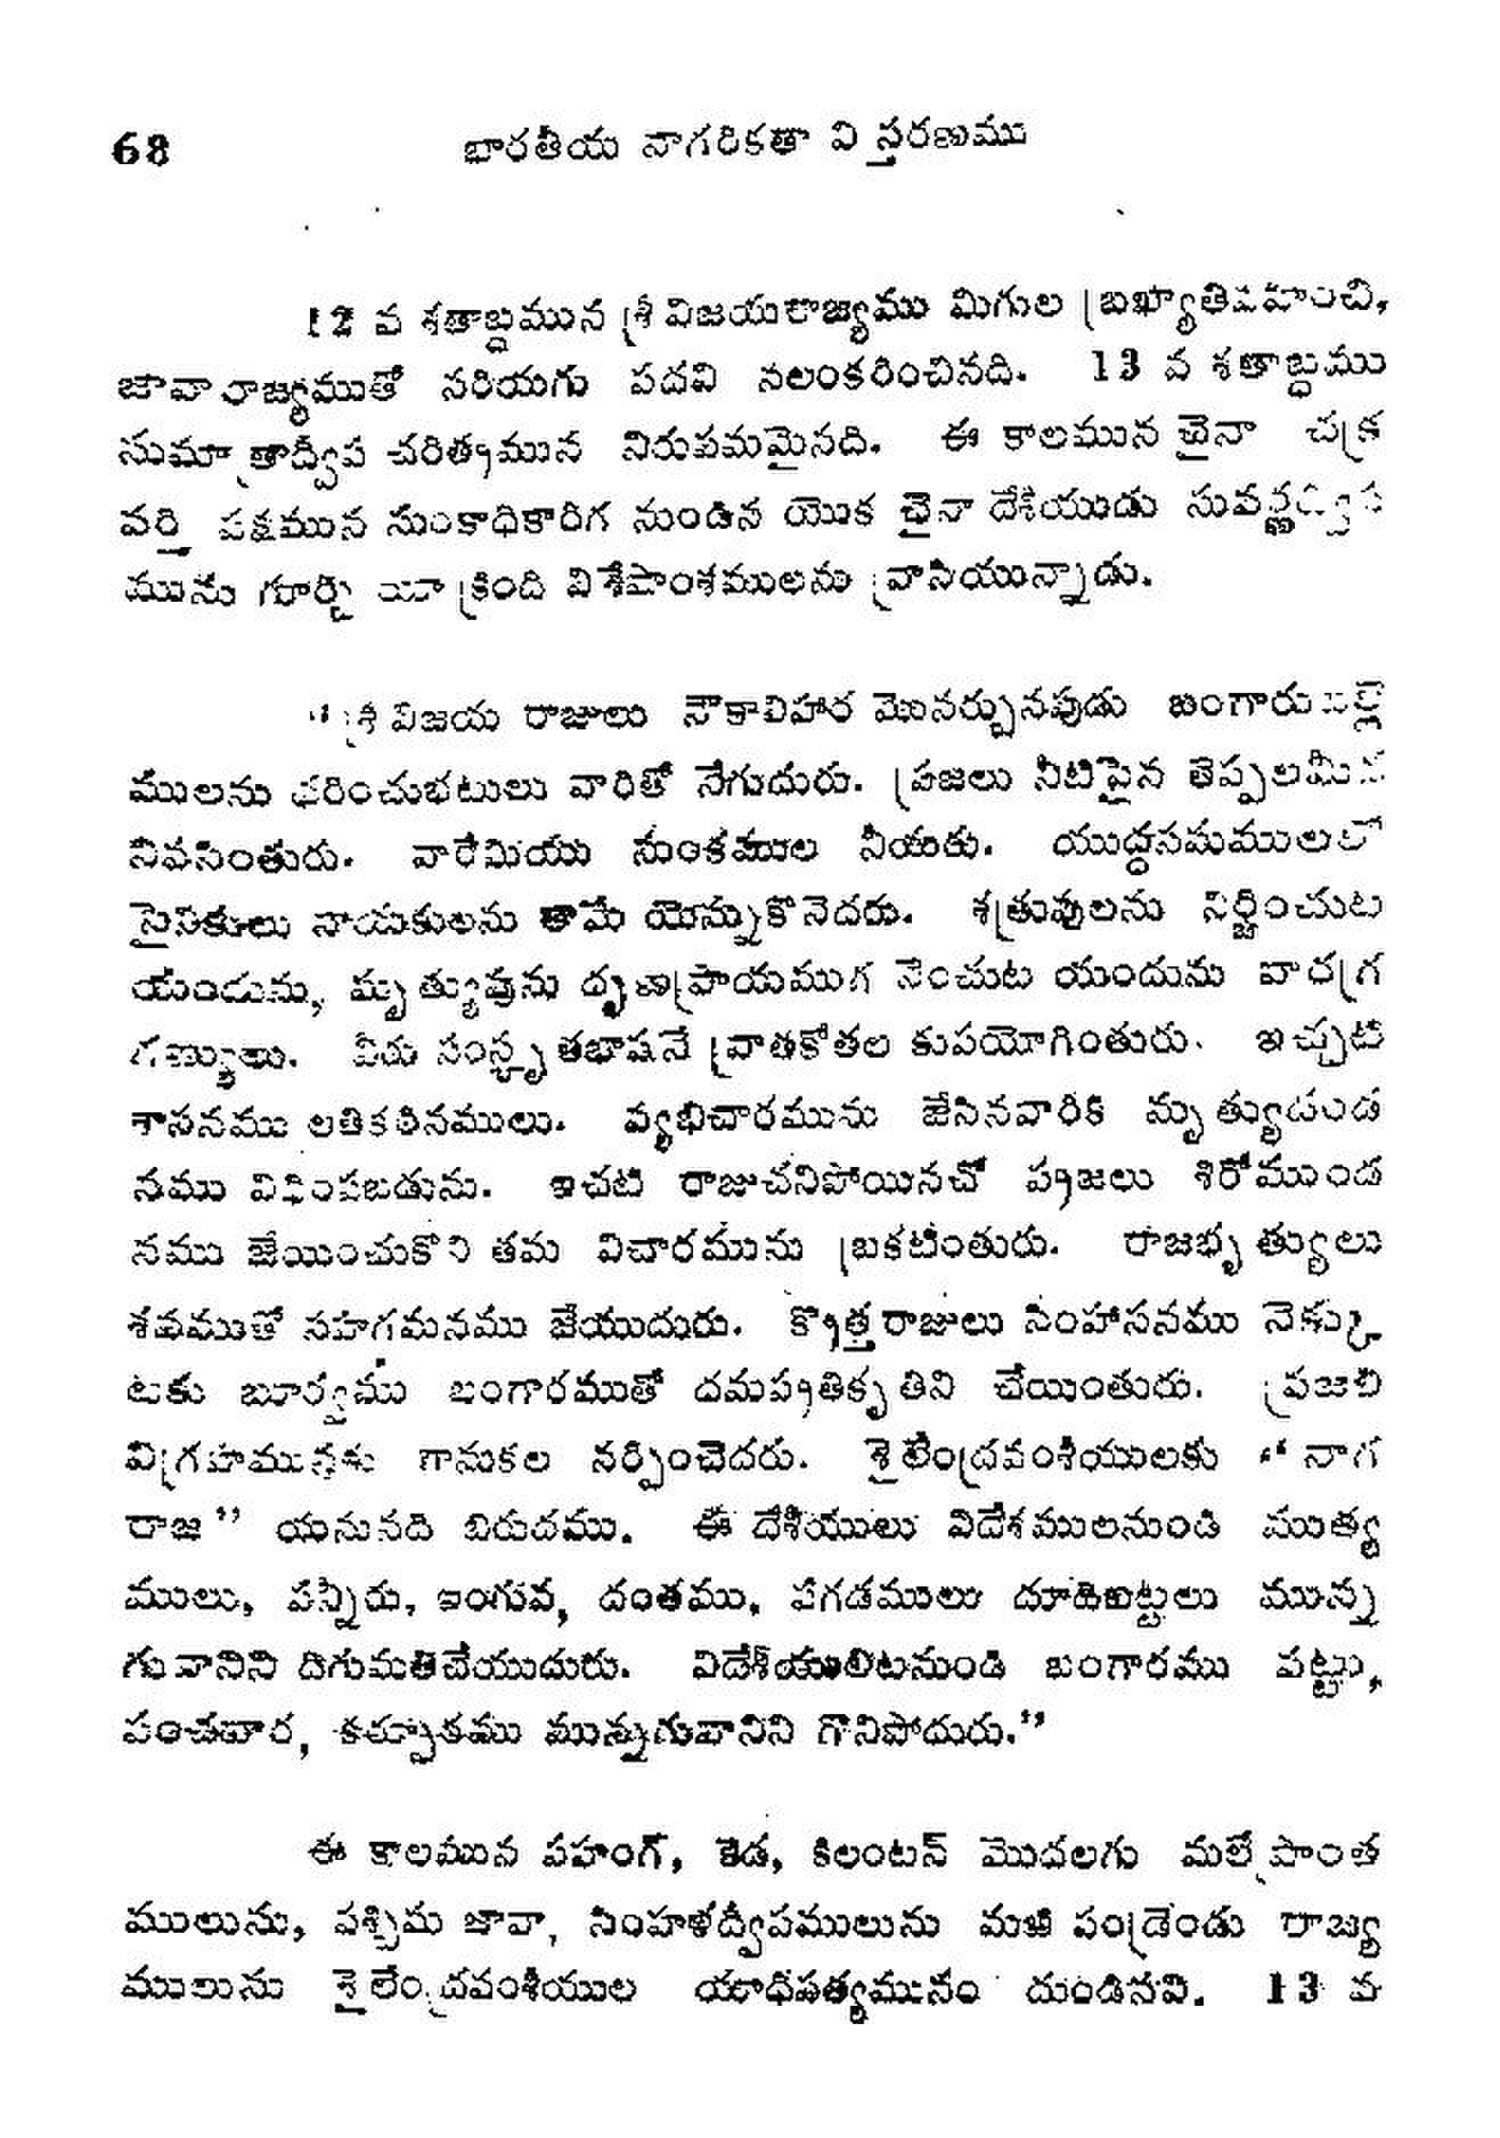12 వ శతాబ్దమున శ్రీ విజయరాజ్యము మిగుల బ్రఖ్యాతివహించి, జావా రాజ్యముతో సరియగు పదవి నలంకరించినది. 13 వ శతాబ్దము సుమాత్రాద్వీప చరిత్రమున నిరుపమమైనది. ఈ కాలమున చైనా చక్రవర్తి పక్షమున సుంకాధికారిగ నుండిన యొక చైనా దేశీయుడు సువర్ణద్వీపమును గూర్చి యీ క్రింది విశేషాంశములను వ్రాసియున్నాడు.

"శ్రీ విజయ రాజులు నౌకావిహార మొనర్చునపుడు బంగారుబల్లెములను ధరించుభటులు వారితో నేగుదురు. ప్రజలు నీటిపైన తెప్పలమీద నివసింతురు. వారేమియు సుంకములు నీయరు. యుద్దసమయములలో సైనికులు నాయకులను తామే యెన్నుకొనెదరు. శత్రువులను నిర్జించుట యందును, మృత్యువును దృణప్రాయముగ నెంచుట యందును వారగ్రగణ్యులు. వీరు సంస్కృతభాషనే వ్రాతకోతల కుపయోగింతురు. ఇచ్చటి శాసనము లతికఠినములు. వ్యభిచారమును జేసినవారికి మృత్యుదండనము విధింపబడును. ఇచటి రాజుచనిపోయినచో ప్రజలు శిరోముండనము జేయించుకొని తమ విచారమును బ్రకటింతురు. రాజభృత్యులు శవముతో సహగమనము జేయుదురు. క్రొత్తరాజులు సింహాసము నెక్కుటకు బూర్వము బంగారముతో దమప్రతికృతిని చేయింతురు. ప్రజలీ విగ్రహమునకు గానుకల నర్పించెదరు. శైలేంద్రవంశీయులకు "నాగరాజ" యనునది బిరుదము. ఈ దేశీయులు విదేశములనుండి ముత్యములు, పన్నీరు, ఇంగువ, దంతము, పగడములు దూదిబట్టలు మున్నగువానిని దిగుమతిచేయుదురు. విదేశీయులిటనుండి బంగారము పట్టు, పంచదార, కర్పూరము మున్నగువానిని గొనిపోదురు."

ఈ కాలమున పహంగ్, కెడ, కిలంటన్ మొదలగు మలేప్రాంతములును, పశ్చిమ జావా, సింహళద్వీపములును మఱి పండ్రెండు రాజ్యములును శైలేంద్రవంశీయులు యాధిపత్యమునం దుండినవి. 13 వ